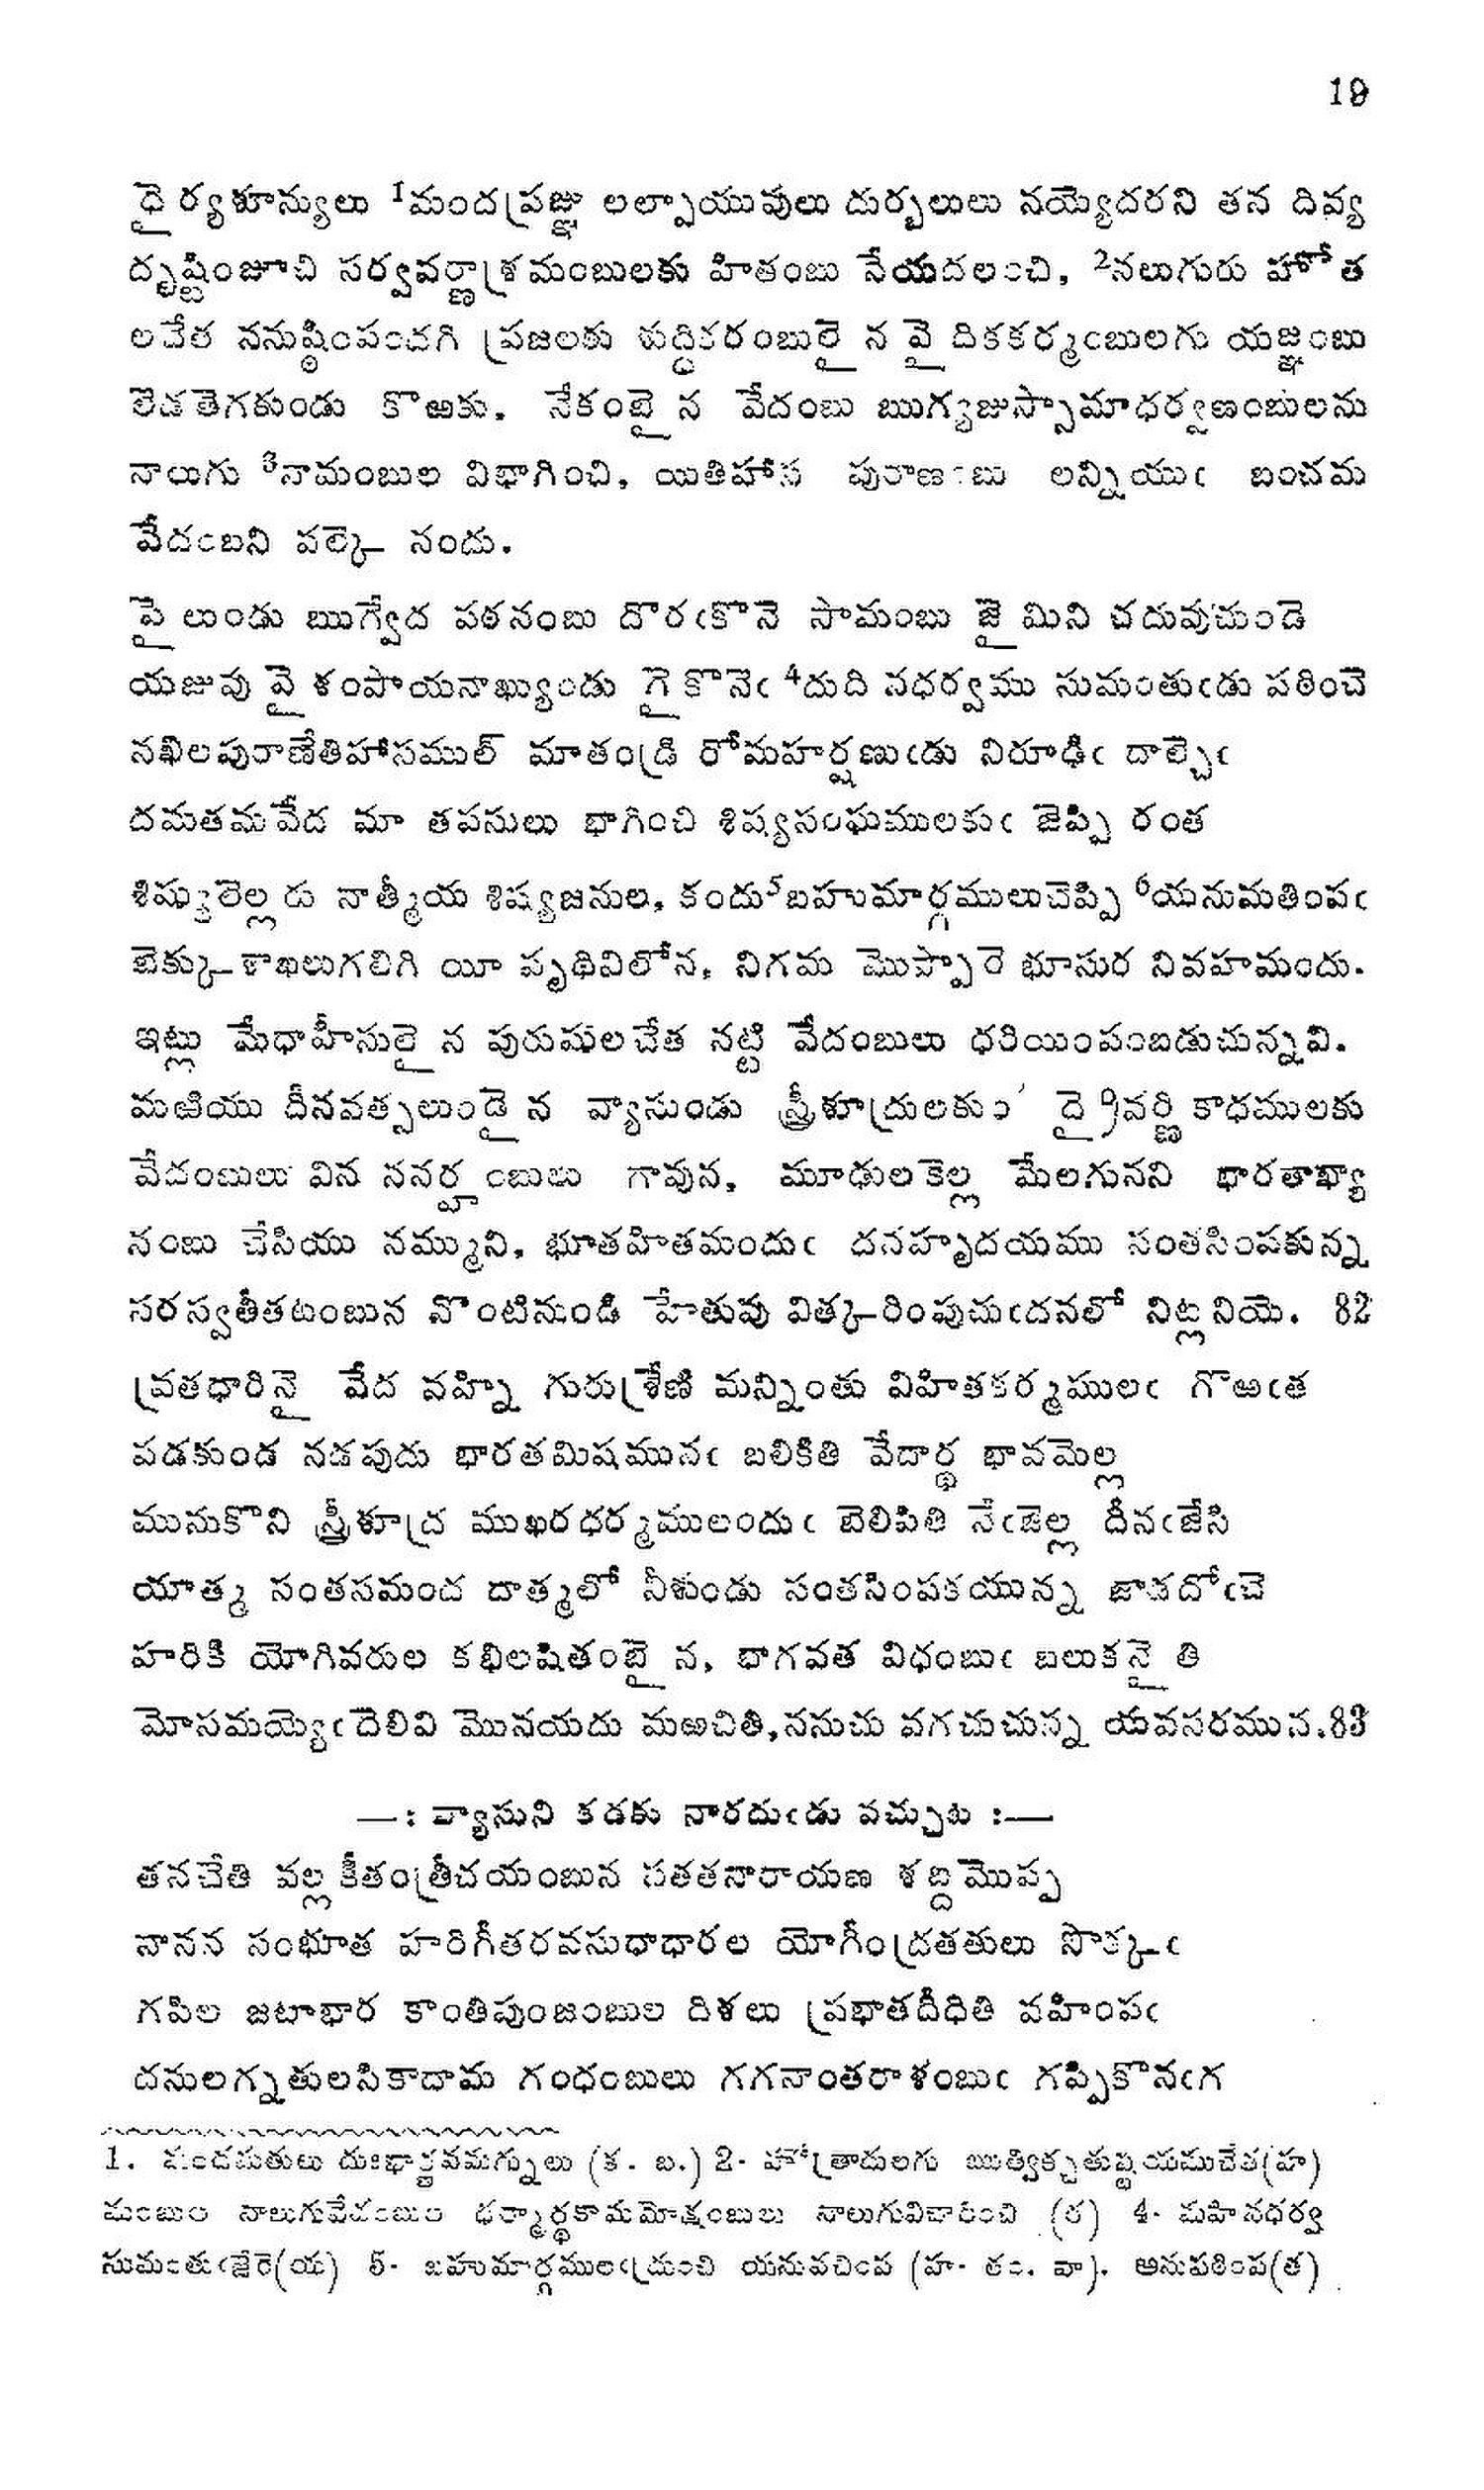19

ధైర్యశూన్యులు మందప్రజ్ఞు లల్పాయువులు దుర్బలురు నయ్యెదరని తన దివ్యదృష్టిం జూచి సర్వవర్ణాశ్రమంబులకు హితంబు సేయందలంచి నలుగురు హోతల చేత ననుష్ఠింపఁదగి ప్రజలకు శుద్ధికరంబులైన వైదిక కర్మంబు లెడతెగకుండు కొఱకు నేకంబైన వేదంబు ఋగ్యజుస్‌సామాధర్వణంబులను నాలుఁగు నామంబుల విభాగించి యితిహాస పురాణంబు లన్నియుఁ బంచమవేదంబని పల్కె, నందు, (1-80)

సీ. పైలుండుఋగ్వేద పఠనంబు దొరకొనె, సామంబు జైమిని చదువుచుండె

యజువు వైశంపాయనాఖ్యుండు గైకొనెఁ , దుది నధర్వంబు సుమంతుఁడు వఠించె

నఖిల పురాణేతిహాసముల్ మా తండ్రి , రోమహర్షణుఁడు నిరూఢిఁ దాల్చెఁ

దమ తమ వేద మా తపసులు భాగించి, శిష్య సంఘములకుఁ జెప్పిరంత

తే.గీ. శిష్యులెల్లరు నాత్మీయ శిష్యజనుల, కందు బహుమార్గములు సెప్పి యనుమతింపఁ

బెక్కు శాఖలు గలిగి యీ పృథివిలోన, నిగమ మొప్పారె భూసుర నివహమందు. (1-81)

వ. ఇట్లు మేధాహీనులైన పురుషుల చేత నట్టి వేదంబులు ధరియింపంబడుచున్నవి. మఱియు దీనవత్సలుండైన వ్యాసుండు స్త్రీశూద్రులకుం ద్రైవర్ణికాధములకు వేదంబులు విన ననర్హంబులు గావున మూఢుల కెల్ల మేలగునని భారతాఖ్యానంబు చేసియు నమ్ముని భూతహితమందుఁ దన హృదయంబు సంతసింపకున్న సరస్వతీతటంబున నొంటినుండి హేతువు వితర్కింపుచుఁ దనలో నిట్లనియె. (1-82)

సీ. వ్రతధారినై వేదవహ్ని గురుశ్రేణి మన్నింతు విహిత కర్మములఁ గొఱత

పడకుండ నడుపుదు భారత మిషమునఁ బలికితి వేదార్థభావమెల్ల

మునుకొని స్త్రీశూద్ర ముఖర ధర్మములందుఁ బెలిపితి నేఁ జెల్ల దీనఁ జేసి

యాత్మ సంతస మంద దాత్మలో నీశుండు, సంతసింపక యున్న జాడ తోఁచె
 
ఆ.వె. హరికి యోగివరుల కభిలషితంబైన, భాగవత విధంబుఁ బలుకనైతి

మోసమయ్యెఁ దెలివి మొనయదు మఱచితి, ననుచు వగచుచున్న యవసరమున. (1-83)

సీ. తన చేయి వల్లకీ తంత్రీచయంబున, సతత నారాయణ శబ్దమొప్ప

నానన సంభూత హరిగీత రవసుధా ధారల యోగీంద్రతతులు సొక్కఁ

గపిల జటాభార కాంతిపుంజంబుల, దిశలు ప్రభాత దీధితి వహింపఁ

దనులగ్న తులసికా దామ గంధంబులు, గగనాంతరాళంబు గప్పుకొనఁగ